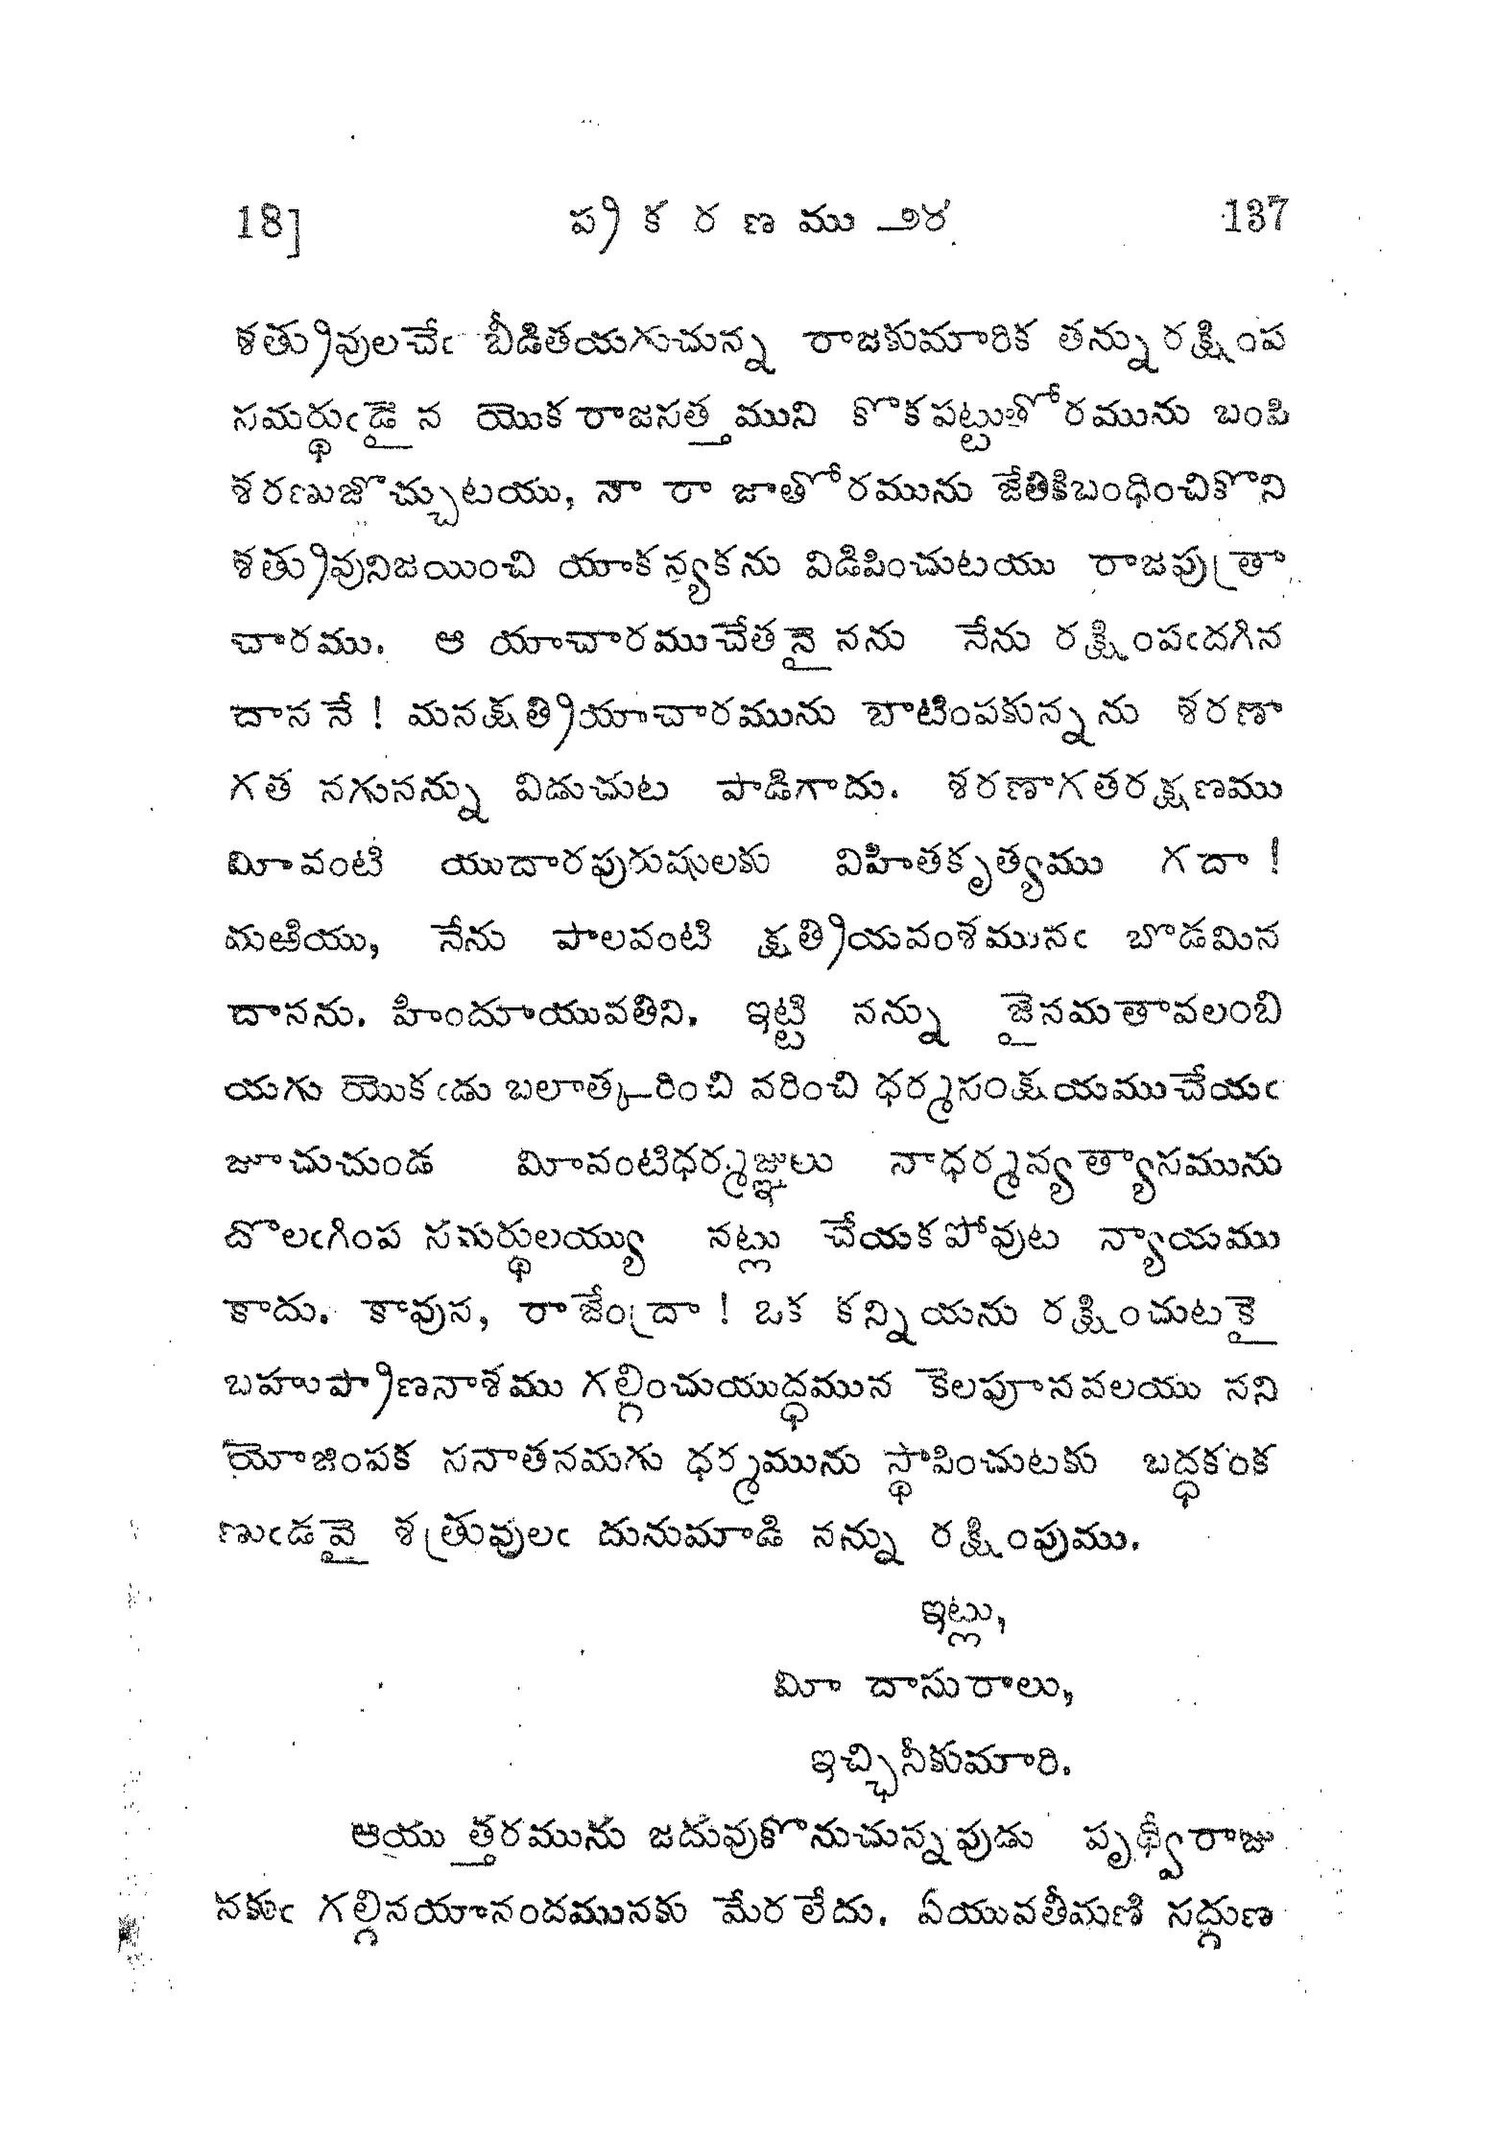శత్రువుల చేఁ బీడితయగుచున్న రాజకుమారిక తన్ను రక్షింప
సమర్థుఁ డైన యొక రాజసత్తముని కొక పట్టుతోరమును బంపి
శరణు జొచ్చుటయు, నారా జాతోరమును జేతికి బంధించి కొని
శత్రువుని జయించి యాకన్యకను విడిపించుటయు రాజపుత్రా
చారము. ఆ యాచారము చేత నైనను నేను రక్షింపఁదగిన
దాననే ! మనక్షత్రి యాచారమును బాటింపకున్నను శరణా
గత నగునన్ను విడుచుట పాడిగాదు. శరణాగత రక్షణము
మీవంటి యుదార పురుషులకు విహితకృత్యము గదా !
మఱియు, నేను పాలవంటి క్షత్రియవంశమునఁ బొడమిన
దానను. హిందూ యువతిని, ఇట్టి నన్ను జైనమ తావలంబి
యగు యొకడు బలాత్కరించి వరించి ధర్మసంక్షయము చేయఁ
జూచుచుండ మీవంటి ధర్మజ్ఞులు నాధర్మవ్య త్యాసమును
దొలఁగింప సమర్థులయ్యు నట్లు చేయకపోవుట న్యాయము
కాదు. కావున, రాజేంద్రా ! ఒక కన్నియను రక్షించుటకై
బహుప్రాణనాశము గల్గించు యుద్ధమున కెలపూనవలయు సని
యోజింపక సనాతనమగు ధర్మమును స్థాపించుటకు బద్ధకంక
ణుఁడ వై శత్రువులం దునుమాడి నన్ను రక్షింపుము.
,

ఆయు శరమును జదువుకొనుచున్నవుడు పృథ్వీరాజు
నకుఁ గల్గినయానందమునకు మేర లేదు. ఏయువతీమణి సద్గుణ
-